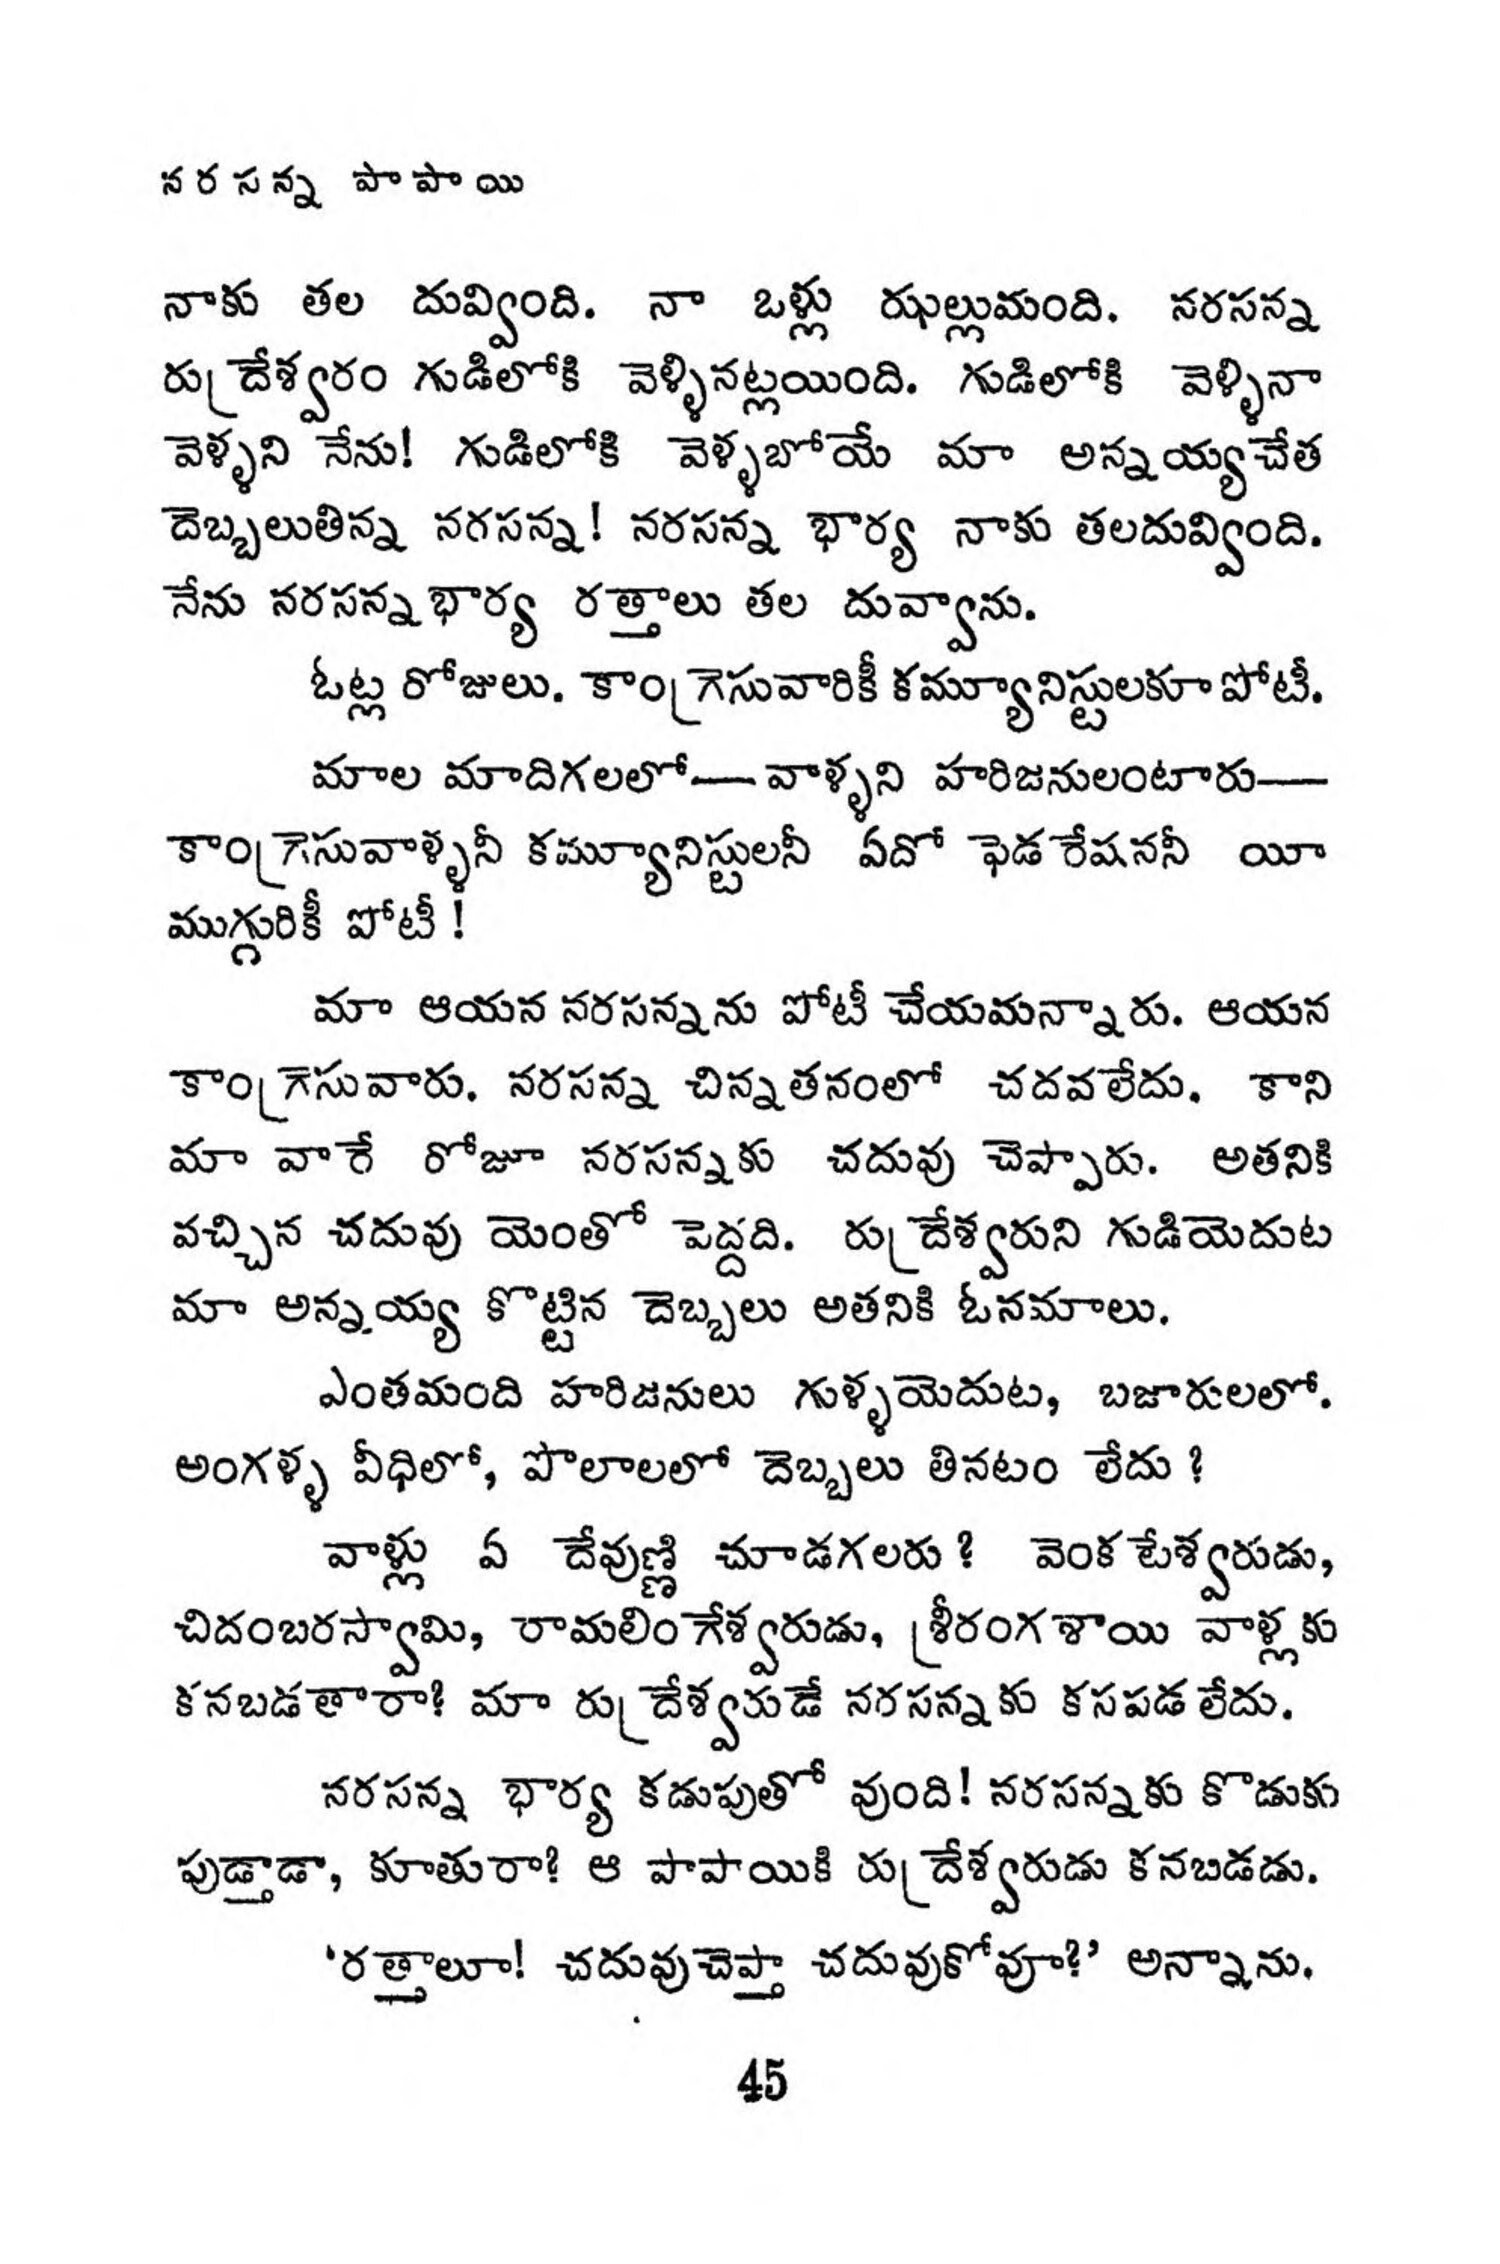నాకు తల దువ్వింది. నా ఒళ్లు ఝల్లుమంది. నరసన్న రుద్రేశ్వరం గుడిలోకి వెళ్ళినట్లయింది. గుడిలోకి వెళ్ళినా వెళ్ళని నేను! గుడిలోకి వెళ్ళబోయే మా అన్నయ్యచేత దెబ్బలుతిన్న నరసన్న! నరసన్న భార్య నాకు తలదువ్వింది. నేను నరసన్న భార్య రత్తాలు తల దువ్వాను.

ఓట్ల రోజులు. కాంగ్రెసువారికీ కమ్యూనిస్టులకూ పోటీ.

మాల మాదిగలలో - వాళ్ళని హరిజనులంటారు - కాంగ్రెసువాళ్ళనీ కమ్యూనిస్టులనీ ఏదో ఫెడరేషననీ యీ ముగ్గురికీ పోటీ!

మా ఆయన నరసన్నను పోటీ చేయమన్నారు. ఆయన కాంగ్రెసువారు. నరసన్న చిన్నతనంలో చదవలేదు. కాని మా వారే రోజూ నరసన్నకు చదువు చెప్పారు. అతనికి వచ్చిన చదువు యెంతో పెద్దది. రుద్రేశ్వరుని గుడియెదుట మా అన్నయ్య కొట్టిన దెబ్బలు అతనికి ఓనమాలు.

ఎంతమంది హరిజనులు గుళ్ళయెదుట, బజారులలో, అంగళ్ళ వీధిలో, పొలాలలో దెబ్బలు తినటం లేదు?

వాళ్లు ఏ దేవుణ్ణి చూడగలరు? వెంకటేశ్వరుడు, చిదంబరస్వామి, రామలింగేశ్వరుడు, శ్రీరంగశాయి వాళ్లకు కనబడతారా? మా రుద్రేశ్వరుడే నరసన్నకు కనపడలేదు.

నరసన్న భార్య కడుపుతో వుంది! నరసన్నకు కొడుకు పుడ్తాడా, కూతురా? ఆ పాపాయికి రుద్రేశ్వరుడు కనబడడు.

'రత్తాలూ! చదువుచెప్తా చదువుకోవూ?' అన్నాను.